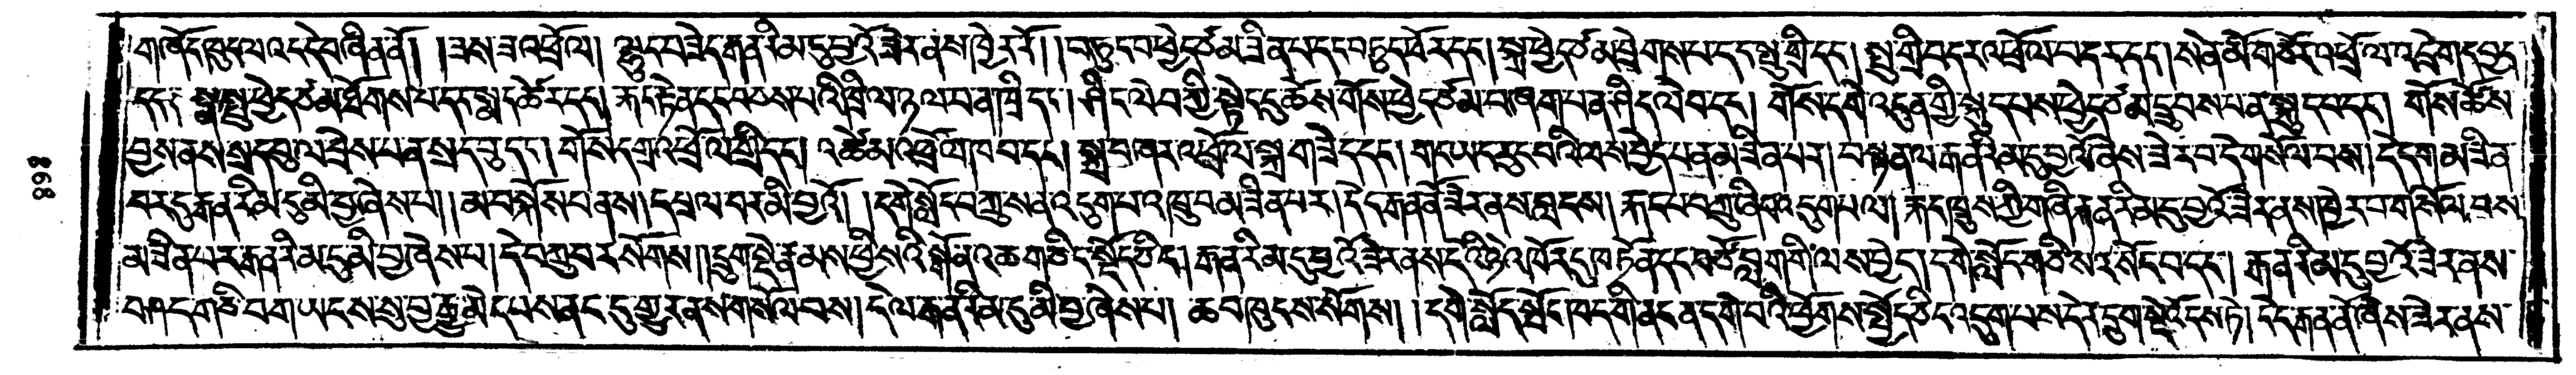གཞོང་ཁུད་ལའང་དེ་བཞིན་ནོ། །ཟས་ཟ་འཕྲོལ། ལྷུང་བཟེད་རྒན་རིམ་དུ་བྱའོ་ཟེར་ནས་ཁྱེར་རོ། །བཏུང་བ་ཕྱེད་ཙམ་ཟིན་པ་དང་བཏུད་ཕོར་དང་། སྐྲ་ཕྱེད་ཙམ་བྲེགས་པ་དང་སྤུ་གྲི་དང་། སྤུ་གྲི་བདར་འཕྲོལ་བདར་དང་། སེན་མོ་གཅོར་འཕྲོ་ལ་འདྲེག་དབྱད་
དང༑ སྣ་སྤུ་ཕྱེད་ཙམ་ཐོགས་པ་དང་སྨད་ཚེར་དང་། རྐང་རྟེན་དང་བཅས་པའི་ཁྲི་ལ་ཉལ་བ་ན་ཁྲི་དང་། ཤིང་ལེབ་ཀྱི་སྟེང་དུ་ཆོས་གོས་ཕྱེད་ཙམ་བཞག་པ་ན་ཤིད་ལེབ་དང་། གོས་དགེ་འདུན་གྱི་སྐུད་པས་ཕྱེད་ཙམ་དྲུབས་པ་ན་སྐུད་པ་དང་། གོས་ཚོས་
བྱས་ནས་སྲད་བུ་ལ་བྲེས་པ་ན་སྲད་བུ་དང་། གོས་དགྲ་འཕྲོ་ལ་གྲི་དང་། འཚེམ་འཕྲོལ་ཁབ་དང་། སྐྲ་བཞར་འཕྲོ་ལ་སྐྲ་གཟེད་དང་། གང་ཡང་རུང་བའི་ལས་བྱེད་པ་ནམ་ཟིན་པར། བསྟན་ལ་རྒན་རིམ་དུ་བྱའོ་ཞེས་ཟེར་བ་དེ་གསོལ་བས། དེ་དག་མ་ཟིན་
བར་དུ་རྒན་རིམ་དུ་མི་བྱ་ཞེས་པ། །མ་བསྐོས་པ་ནས། དཔྲལ་བར་མི་བྱའོ། །དགེ་སློང་བཀྲུ་སན་འདུག་པ་འཁྲུ་བམ་ཟིན་པར། དེད་རྒན་ནོ་ཟེར་ནས་བླངས། རྐང་པ་བཀྲུ་ཞིབ་འདུག་པལ། རྐང་ཁྲུས་ཀྱི་གཞི་རྐན་རིམ་དུ་བྱའོ་ཟེར་ནས་ཁྱེར་བ་གསོལ་བས་
མ་ཟིན་པར་རྒན་རིམ་དུ་མི་བྱ་ཞེས་པ། དེ་བཀྲུ་བར་སོགས། །དྲུག་སྡེ་རྣམས་ཕྱི་སའི་སྒོ་ན་འཆག་ཅིང་སྡོད་ཅིང་། རྒན་རིམ་དུ་བྱའོ་ཟེར་ནས་དེའི་ཉེ་འཁོར་དུ་ཁ་ཏོན་དང་བཙོ་བླག་གི་ལས་བྱེད། དགེ་སློང་གཅི་སར་སོད་བ་དང་། རྒན་རིམ་དུ་བྱའོ་ཟེར་ནས་
བཤད་གཅིག་བག་ཡངས་སུ་བྱ་རྒྱུ་མེད་པས་ནང་དུ་གྱུར་ནས་གསོལ་བས། དེ་ལ་རྒན་རིམ་དུ་མི་བྱ་ཞེས་པ། ཆབ་ཁུངས་སོགས། །དགེ་སློང་སྤོང་ཁད་གི་ནང་ན་དགེ་བའི་ཕྱོགས་སྤྱོད་ཅིང་འདུག་པས་དེར་དྲུག་སྡེ་འོདས་ཏེ། ངེད་རྒན་ནོ་ཞེས་ཟེར་ནས་